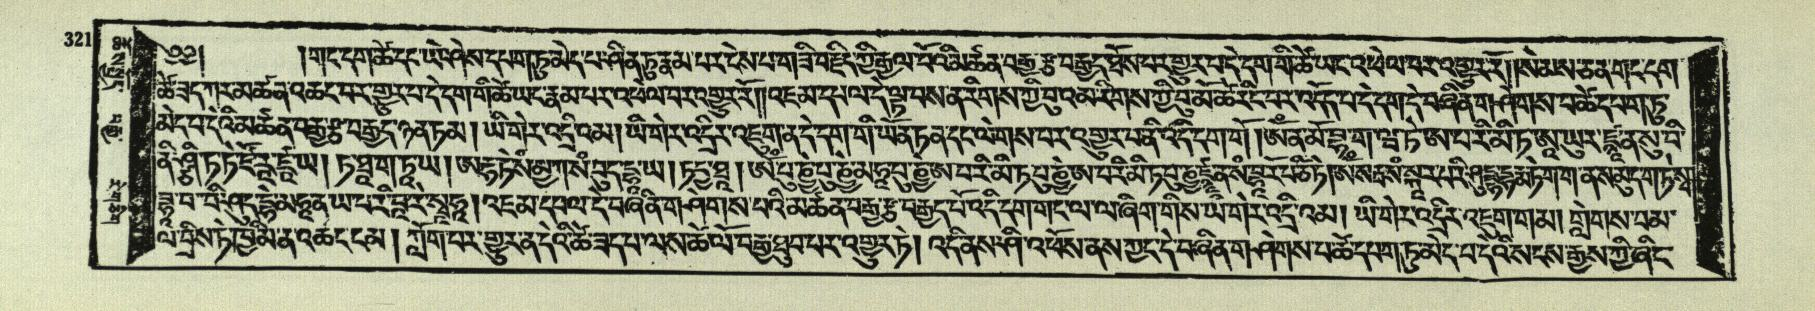༄༅། །གང་དག་ཚེ་དང་ཡེ་ཤེས་དཔག་ཏུ་མེད་པ་ཤིན་ཏུ་རྣམ་པར་ངེས་པ་གཟི་བརྗིད་ཀྱི་རྒྱལ་པོའི་མཚན་བརྒྱ་རྩ་བརྒྱད་ཐོས་པར་གྱུར་པ་དེ་དག་གི་ཚེ་ཡང་འཕེལ་བར་འགྱུར་རོ། །སེམས་ཅན་གང་དག་
ཚེ་ཟད་ཀར་མཚན་འཆང་བར་གྱུར་པ་དེ་དག་གི་ཚེ་ཡང་རྣམ་པར་འཕེལ་བར་འགྱུར་རོ། །འཇམ་དཔལ་དེ་ལྟ་བས་ན་རིགས་ཀྱི་བུ་འམ་རིགས་ཀྱི་བུ་མོ་ཚེ་རིང་བར་འདོད་པ་དེ་དག་དེ་བཞིན་གཤེགས་པ་ཚེ་དཔག་ཏུ་
མེད་པ་དེའི་མཚན་བརྒྱ་རྩ་བརྒྱད་ཉན་ཏམ། ཡི་གེར་འདྲི་འམ། ཡི་གེར་འདྲིར་འཇུག་ན་དེ་དག་གི་ཡོན་ཏན་དང་ལེགས་པར་འགྱུར་པ་ནི་འདི་དག་གོ །ཨོཾ་ན་མོ་བྷ་ག་ཝ་ཏེ་ཨ་པ་རི་མི་ཏ་ཨཱ་ཡུར་ཛྙཱ་ན་སུ་བི་
ནི་ཤྩི་ཏ་ཏེ་ཛོ་རཱ་ཛཱ་ཡ། ཏ་ཐཱ་ག་ཏཱ་ཡ། ཨརྷ་ཏེ་སཾ་མྱཀ་སཾ་བུད་དྷཱ་ཡ། ཏདྱ་ཐཱ། ཨོཾ་པུ་ཎྱེ་པུ་ཎྱེ་མཧཱ་བུ་ཎྱེ་ཨ་པ་རི་མི་ཏ་པུ་ཎྱེ་ཨ་པ་རི་མི་ཏ་བུ་ཎྱེ་ཛྙཱ་ན་སཾ་བྷཱ་རོ་པ་ཅི་ཏེ། ཨོཾ་སརྦ་སཾ་སྐཱར་པ་རི་ཤུདབྷ་དྷ་རྨ་ཏེ་ག་ག་ནས་མུད་ག་ཏེ་སྭ་
བྷཱ་བ་བི་ཤུད་དྷེ་མཧཱ་ན་ཡ་པ་རི་བཱ་རེ་སྭཱ་ཧཱ་། འཇམ་དཔལ་དེ་བཞིན་གཤེགས་པའི་མཚན་བརྒྱ་རྩ་བརྒྱད་པོ་འདི་དག་གང་ལ་ལ་ཞིག་གིས་ཡྀ་གེར་འདྲི་འམ། ཡི་གེར་འདྲིར་འཇུག་གམ། གླེགས་བམ་
ལ་བྲིས་ཏེ་ཁྱིམ་ན་འཆང་ངམ། ཀློག་པར་གྱུར་ན་དེའི་ཚེ་ཟད་པ་ལས་ཚེ་ལོ་བརྒྱ་ཐུབ་པར་འགྱུར་ཏེ། འདི་ནས་ཤི་འཕོས་ནས་ཀྱང་དེ་བཞིན་གཤེགས་པ་ཚེ་དཔག་ཏུ་མེད་པ་དེའི་སངས་རྒྱས་ཀྱི་ཞིང་